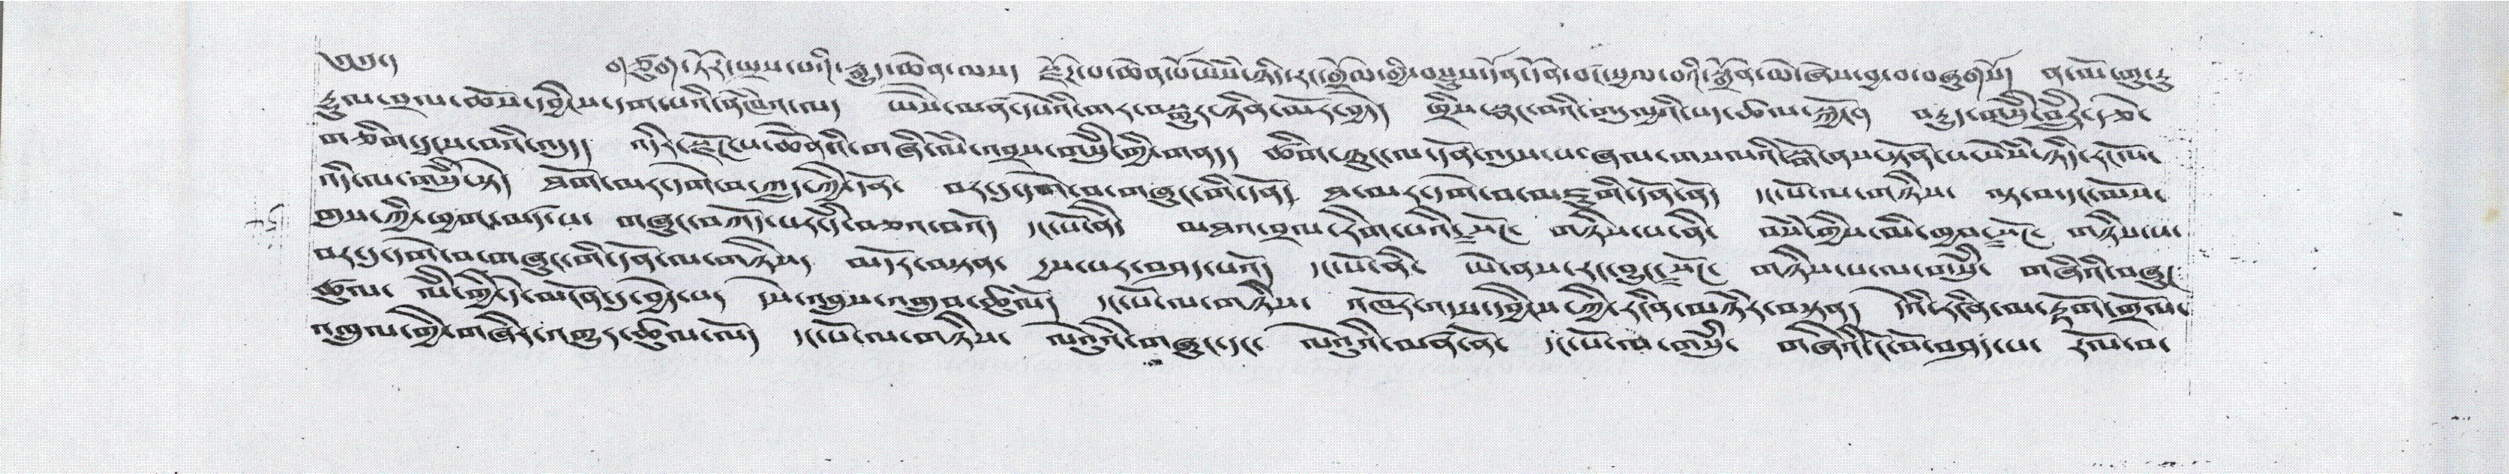༄༅།། གཙུག་ཏོར་སྤྲས་པའི་རྒྱུད་ཆེན་ལས། རྫོགས་པ་ཆེན་པོ་སེམས་ཉིད་རང་གྲོལ་གྱི་བསྡུས་དོན་དོན་བཟང་གསལ་བའི་སྒྲོན་མེ་ཞེས་བྱ་བ་བཞུགས་སོ།། ན་མོ་གུ་རུ། 
རྡུལ་བྲལ་ཆོས་དབྱིངས་དག་པའི་ནམ་མཁའ་ལ། ཡེ་ཤེས་མཚན་དཔེའི་གར་སྒྱུར་ཉིན་མོར་བྱེད། ཕྲིན་ལས་སྣང་བའི་གདུལ་བྱའི་པད་ཚལ་སྐྱོང་། རྒྱུད་གསུམ་བླ་མར་རྩེ་
གཅིག་དང་བས་འདུད། འདིར་རྫོགས་པ་ཆེན་པོའི་གཞི་ལམ་འབྲས་གསུམ་གྱི་གནད་ཚིག་ཉུང་ལ་དོན་འདུས་པ་ཞལ་གསལ་བའི་སྒོ་ནས་སྟོན་པ་སེམས་ཉིད་རང་གྲོལ་
འདི་ལ་གསུམ་སྟེ། ཐོག་མར་དགེ་བ་ཀླད་ཀྱི་དོན། བར་དུ་དགེ་བ་གཞུང་གི་དོན། ཐ་མར་དགེ་བ་མཇུག་གི་དོན་ནོ། དང་པོ་ལ་གཉིས། ལྟ་བ་དང་མོས་
གུས་ཀྱི་ཕྱག་མཛད་པ། གཞུང་བཀོད་པར་དམ་བཅའ་བའོ། དང་པོ་ནི། མཐའ་བྲལ་རིག་པའི༑ སོགས། གཉིས་པ་ནི། བསམ་གྱིས་མི་ཁྱབ༑ སོགས། གཉིས་པ་
བར་དུ་དགེ་བ་གཞུང་གི་དོན་ལ་གཉིས། མདོར་བསྟན། རྒྱས་པར་བཤད་པའོ། དང་པོ་ནི། ཡེ་ནས་རང་བྱུང༑ སོགས། གཉིས་པ་ལ་གསུམ། གཞིའི་བཞུགས་
ཚུལ། ལམ་གྱི་དེ་མངོན་དུ་བྱེད་པ། དེས་འབྲས་བུ་འགྲུབ་ཚུལ་ལོ། དང་པོ་ལ་གཉིས། འཁོར་འདས་དབྱིངས་ཀྱི་རང་བཞིན་མཉམ་པར་བསྟན། དེའི་རང་བཞིན་མ་རྟོགས་གྲོལ་
འཁྲུལ་གྱི་གཞིར་འགྱུར་ཚུལ་ལོ། དང་པོ་ལ་གཉིས། ལེའུའི་གཞུང་དང་། ལེའུའི་མཚན་ནོ། དང་པོ་གསུམ། གཞིའི་ངོ་བོ་བཤད་པ། རོལ་པ་